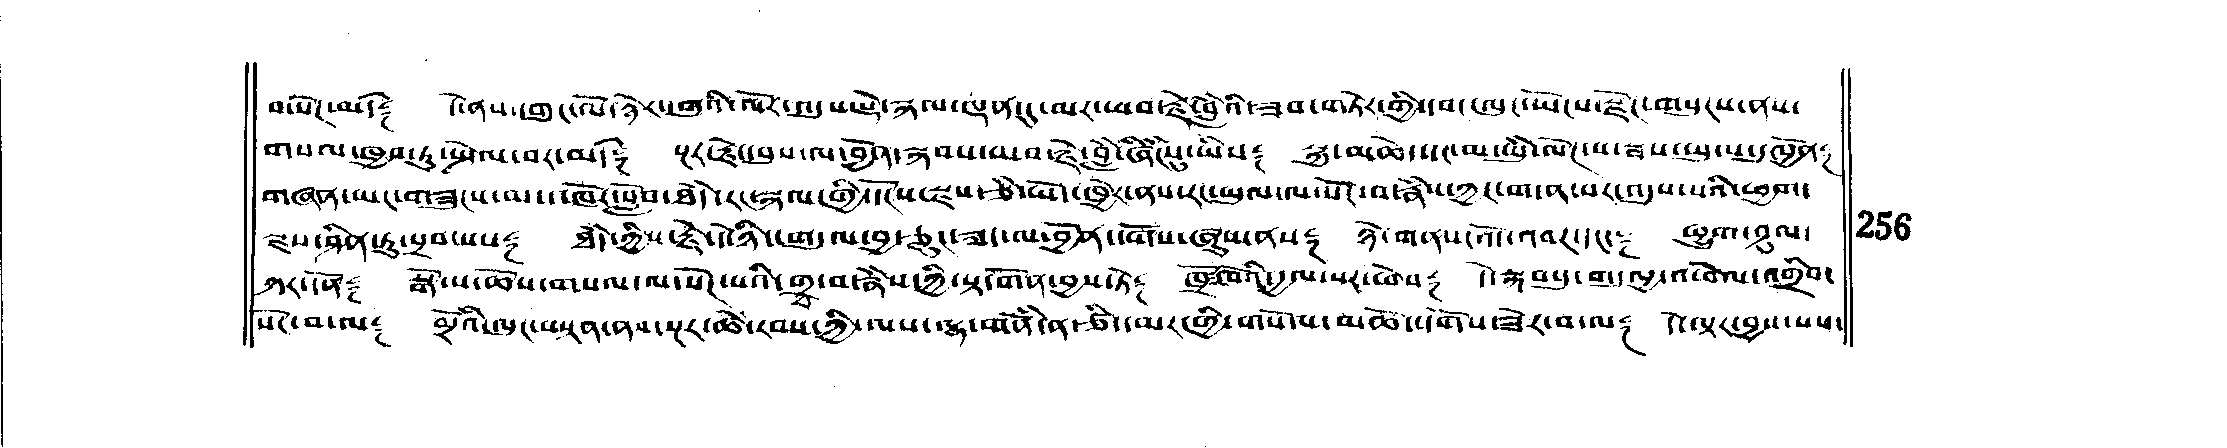བ་སོགས་མཛད། དེ་ནས་དགུང་ལོ་ཉེར་དགུའི་ལོར་འདུས་སྡེ་སྐལ་ལྡན་དུ་མར་ཡབ་རྗེ་བླ་མའི་ཟབ་གཏེར་གྱི་དབང་ལུང་ཡོངས་རྫོགས་གསུངས་ནས་
གསལ་ཁྱབ་ཏུ་སྤེལ་བར་མཛད། སྔར་རྗེ་དབུས་ལ་བྱོན་སྐབས་ཡབ་རྗེ་བླ་མ་ཞིང་ཁམས་སུ་ཡིབ། སྐུ་མཆེད་དང་མ་ཡུམ་ལ་སོགས་པ་སྦས་ཡུལ་དུ་འབྱོན། 
གཞན་ཡང་གཟུངས་མ་འཁོར་སློབ་ཐམས་ཅད་རང་སྐལ་གྱི་དངོས་རྫས་ཅི་ཡོད་ཁྱེར་ནས་རང་ཡུལ་ལ་སོང་བ་རྣམས་ཀྱང་གདན་སར་འདུས་པའི་ཕྱག་
རྫས་ཤིན་ཏུ་སྲབ་པས། ཐམས་ཅད་ཀྱིས་རྗེ་དེ་ཉིད་གདུལ་བྱ་ཅུང་ཟད་ལ་བྱོན་དགོས་ཞུས་ནས། ཉེ་གནས་འོད་འབར་དང་།ཕྱུག་ཤུལ་
ཀར་དོན། སྒོ་པ་ཆོས་གསལ་ལ་སོགས་པའི་གྲྭ་པ་རྣམས་ཀྱིས་སྟ་གོན་བྱས་ཏེ། ཁྲོ་ཁོའི་རྒྱལ་སར་ཕེབས། དེ་སྐབས་སུ་གདུལ་བྱ་འཕེལ་འགྲིབ་
སོང་བ་ལ། མཁའ་འགྲོའི་ལུང་བསྟན་ནས་སྔར་ཚེ་རབས་ཀྱི་ལས་ལྷ་གནོད་སྦྱིན་ཙི་དམར་གྱི་གསོལ་མཆོད་དགོས་ཟེར་བ་ལ། དེ་ལྟར་བྱས་པས་